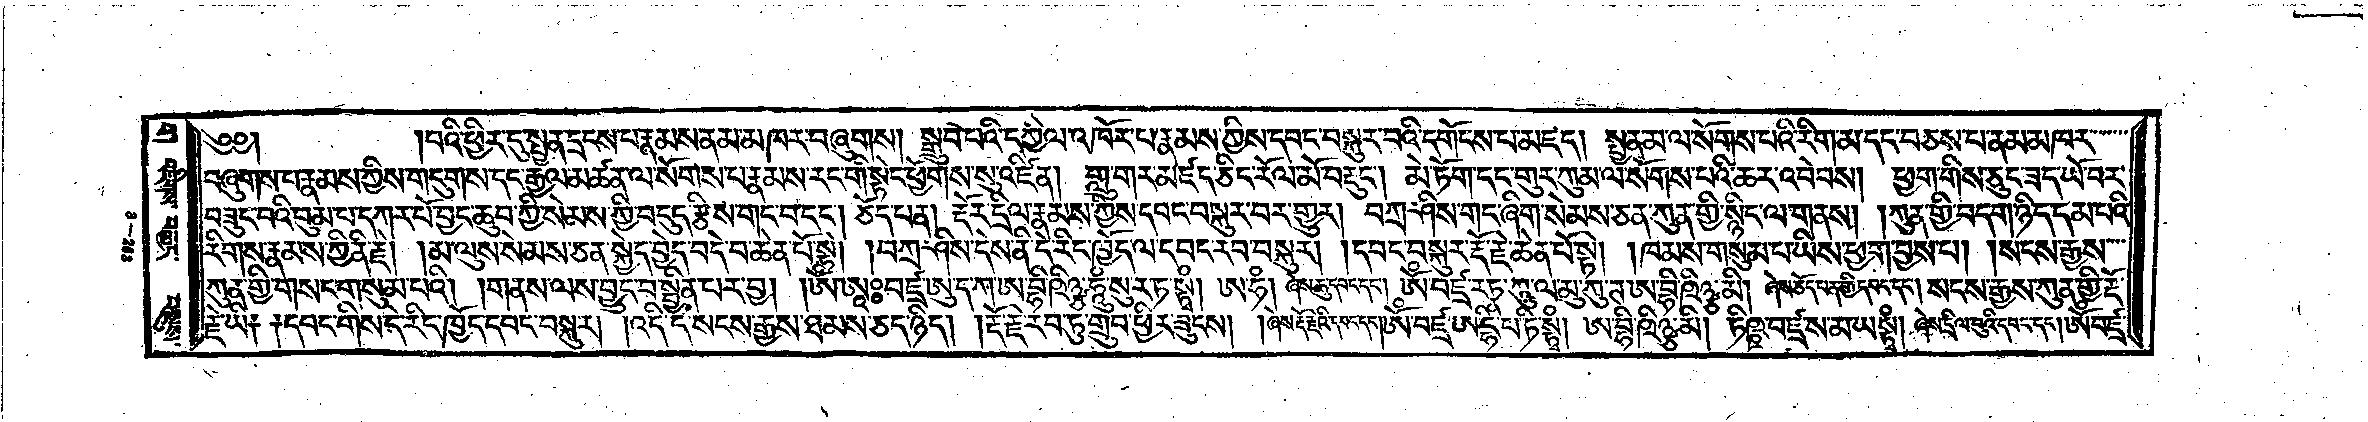༄༅། །པའི་ཕྱིར་དུ་སྤྱན་དྲངས་པ་རྣམས་ནམ་མཁར་བཞུགས། སྒྲུབ་པའི་དཀྱིལ་འཁོར་པ་རྣམས་ཀྱིས་དབང་བསྐུར་བའི་དགོངས་པ་མཛད། སྤྱན་མ་ལ་སོགས་པའི་རིག་མ་དང་བཅས་པ་ནམ་མཁར་
བཞུགས་པ་རྣམས་ཀྱིས་གདུགས་དང་རྒྱལ་མཚན་ལ་སོགས་པ་རྣམས་རང་གི་སྟེང་ཕྱོགས་སུ་འཛིན། གླུ་གར་མཛད་ཅིང་རོལ་མོ་བརྡུང་། མེ་ཏོག་དང་གུར་ཀུམ་ལ་སོགས་པའི་ཆར་འབེབས། ཕྱག་གིས་ཅུང་ཟད་ཡོ་བར་
བཟུང་བའི་བུམ་པ་དཀར་པོ་བྱང་ཆུབ་ཀྱི་སེམས་ཀྱི་བདུད་རྩིས་གང་པ་དང་། ཅོད་པ་ན། རྡོར་དྲིལ་རྣམས་ཀྱིས་དབང་བསྐུར་བར་གྱུར། བཀྲ་ཤིས་གང་ཞིག་སེམས་ཅན་ཀུན་གྱི་སྙིང་ལ་གནས། །ཀུན་གྱི་བདག་ཉིད་དམ་པའི་
རིགས་རྣམས་ཀྱི་ནི་རྗེ། །མ་ལུས་སེམས་ཅན་སྐྱེད་བྱེད་བདེ་བ་ཆེན་པོ་སྟེ། །བཀྲ་ཤིས་དེས་ནི་དེ་རིང་ཁྱོད་ལ་དབང་རབ་བསྐུར། །དབང་བསྐུར་རྡོ་རྗེ་ཆེན་པོ་སྟེ། །ཁམས་གསུམ་པ་ཡིས་ཕྱག་བྱས་པ། །སངས་རྒྱས་
ཀུན་གྱི་གསང་གསུམ་པའི། །གནས་ལས་བྱུང་བ་སྦྱིན་པར་བྱ། །ཨོཾ་ཨཱཿབཛྲ་ཨུ་ད་ཀ་ཨ་བྷི་ཥིཉྩ་ཧཱུཾ་སུ་ར་ཏ་སྟྭཾ། ཨ་ཧཾ། ཞེས་ཆུ་དབང་དང་།  ཨོཾ་བཛྲ་རཏྣ་ཀཱུ་ལ་མུ་ཀུ་ཊ་ཨ་བྷི་ཥིཉྩ་མི། ཞེས་ཅོད་པན་གྱི་དབང་དང་།  སངས་རྒྱས་ཀུན་གྱི་རྡོ་
རྗེ་ཡི༑ ༑དབང་གིས་དེ་རིང་ཁྱོད་དབང་བསྐུར། །འདི་དེ་སངས་རྒྱས་ཐམས་ཅད་ཉིད། །རྡོ་རྗེ་རབ་ཏུ་གྲུབ་ཕྱིར་ཟུངས། །ཞེས་རྡོ་རྗེའི་དབང་དང་།  ཨོཾ་བཛྲ་ཨིདྷི་པ་ཏི་སྟྭཾ། ཨ་བྷི་ཥིཉྩ་མི། ཏིཥཊཿཨ་བཛྲ་ས་མ་ཡ་སྟྭཾ། ཞེས་དྲིལ་བུའི་དབང་དང་།  ཨོཾ་བཛྲ་